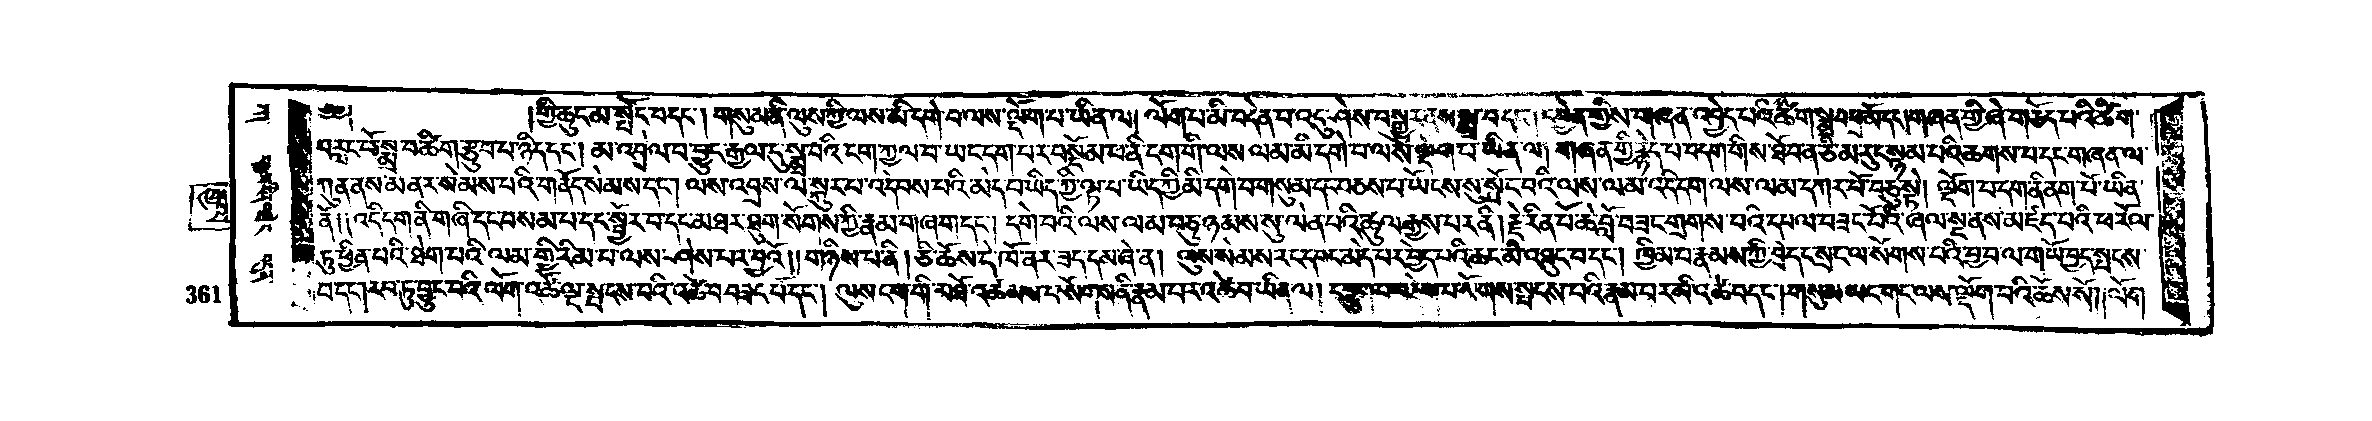༄༅། །གྱི་ཆུང་མ་སྤོང་བ་དང་། གསུམ་ནི་ལུས་ཀྱི་ལས་མི་དགེ་བ་ལས་ལྡོག་པ་ཡིན་ལ། ལོག་པ་མི་བདེན་པ་འདུ་ཤེས་བསྒྱུར་ནས་སྨྲ་བ་དང་། དབྱེན་གྱིས་གཞན་འབྱེད་པའི་ཚིག་སྨྲ་བ་ཕྲ་མོ་དང་། གཞན་གྱི་ཞེ་གཅོད་པའི་ཚིག་
བརླང?་པོ་སྨྲ་བ་ཚིག་རྩུབ་པ་ཉིད་དང་། མ་འབྲེལ་བ་བྱུང་རྒྱལ་དུ་སྨྲ་བའི་ངག་ཀྱལ་བ་ཡང་དག་པར་བསྡོམ་པ་ནི་ངག་གི་ལས་ལམ་མི་དགེ་བ་ལས་ལྡོག་པ་ཡིན་ལ། གཞན་གྱི་རྙེད་པ་བདག་གིས་ཐོབ་ན་ཅི་མ་རུང་སྙམ་པའི་ཆགས་པ་དང་གཞན་ལ་
ཀུན་ནས་མནར་སེམས་པའི་གནོད་སེམས་དང་། ལས་འབྲས་ལ་སྐུར་བ་འདེབས་པའི་མེད་པ་ཡིད་ཀྱི་ལྟ་བ་ཡིད་ཀྱི་མི་དགེ་བ་གསུམ་དང་བཅས་པ་ཡོངས་སུ་སྤོང་བའི་ལས་ལམ་འདི་དག་ལས་ལམ་དཀར་པོ་བཅུ་སྟེ། ལྡོག་པ་དག་ནི་ནག་པོ་ཡིན་
ནོ། །འདི་དག་ནི་གཞི་དང་བསམ་པ་དང་སྦྱོར་བ་དང་མཐར་ཐུག་སོགས་ཀྱི་རྣམ་གཞག་དང་། དགེ་བའི་ལས་ལམ་བཅུ་ཉམས་སུ་ལེན་པའི་ཚུལ་རྒྱས་པར་ནི། རྗེ་རིན་པོ་ཆེ་བློ་བཟང་གྲགས་པའི་དཔལ་བཟང་པོའི་ཞལ་སྔ་ནས་མཛད་པའི་ཕ་རོལ་
ཏུ་ཕྱིན་པའི་ཐེག་པའི་ལམ་གྱི་རིམ་པ་ལས་ཤེས་པར་བྱའོ། །གཉིས་པ་ནི། ཅི་ཆོས་དེ་ཁོ་ནར་ཟད་དམ་ཞེ་ན། ལུས་སེམས་རང་དབང་མེད་པར་བྱེད་པའི་ཆང་མི་འཐུང་བ་དང་། ཁྱིམ་པ་རྣམས་ཀྱི་བྲེ་དང་སྲང་ལ་སོགས་པའི་བྱ་བ་ལ་གཡོ་བྱད་སྤངས་
བ་དང་། རབ་ཏུ་བྱུང་བའི་ལོག་འཚོ་ལྔ་སྤངས་པའི་འཚེ་བ་བཟང་པོ་དང་། ལུས་ངག་གི་མཐོ་འཚམས་པ་སོགས་ནི་རྣམ་པར་འཚེ་བ་ཡིན་ལ། དབྱུག་པ་བརྡེག་པ་སོགས་སྤངས་པའི་རྣམ་པར་མི་འཚེ་བ་དང་། གསུམ་ཡང་གང་ལས་ལྡོག་པའི་ཆོས་སོ། །ལོག་